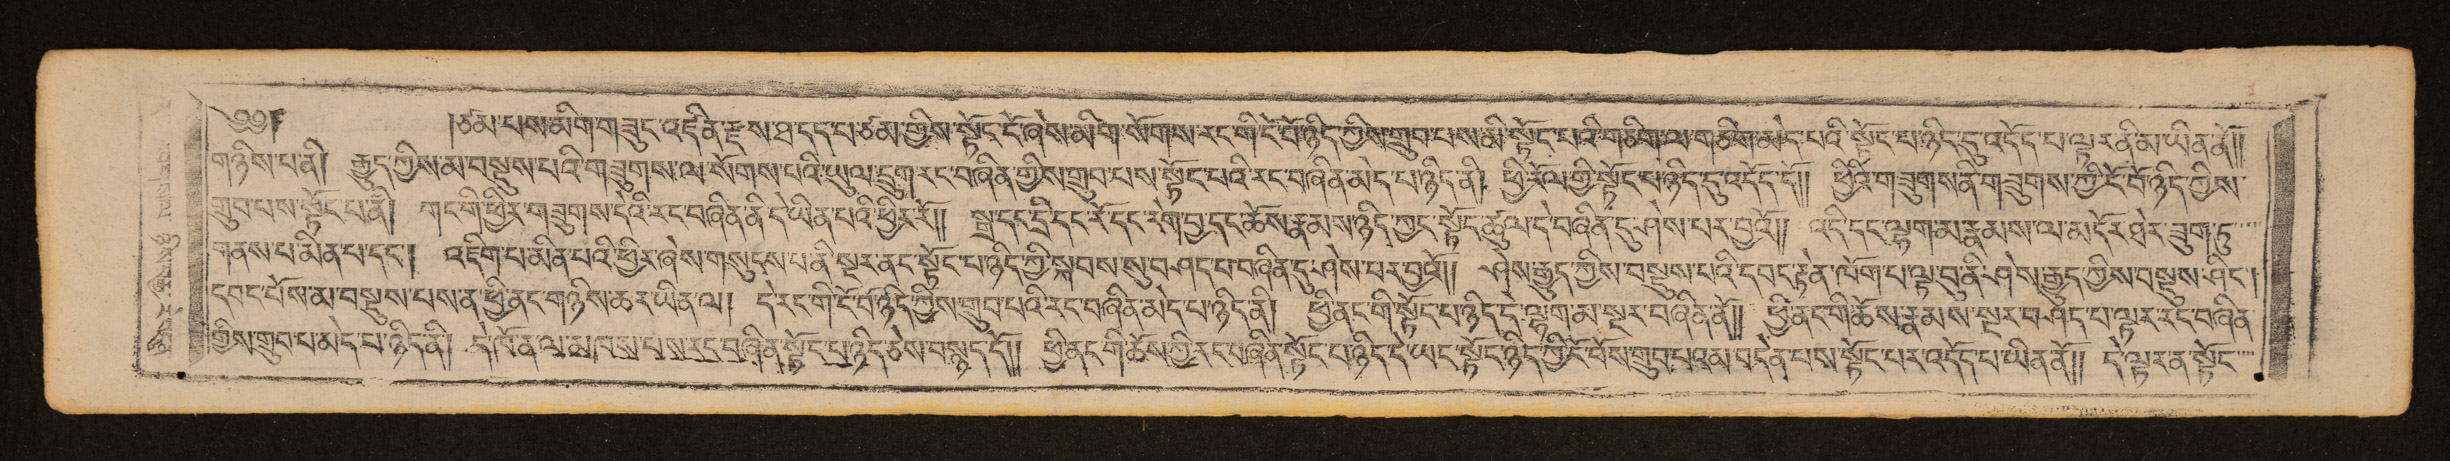༄༅། །ཙམ་པས་མིག་གཟུང་འཛིན་རྫས་ཐ་དད་པ་ཙམ་གྱིས་སྟོང་ངོ་ཞེས་མིག་སོགས་རང་གི་ངོ་བོ་ཉིད་ཀྱིས་གྲུབ་པས་མི་སྟོང་པའི་གཅིག་ལ་གཅིག་མེད་པའི་སྟོང་པ་ཉིད་དུ་འདོད་པ་ལྟར་ནི་མ་ཡིན་ནོ།།
གཉིས་པ་ནི། རྒྱུད་ཀྱིས་མ་བསྡུས་པའི་གཟུགས་ལ་སོགས་པའི་ཡུལ་དྲུག་རང་བཞིན་གྱིས་གྲུབ་པས་སྟོང་པའི་རང་བཞིན་མེད་པ་ཉིད་ནི། ཕྱི་རོལ་གྱི་སྟོང་པ་ཉིད་དུ་འདོད་དོ།། ཕྱིའི་གཟུགས་ནི་གཟུགས་ཀྱི་ངོ་བོ་ཉིད་ཀྱིས་
གྲུབ་པས་སྟོང་པ་ནི། གང་གི་ཕྱིར་གཟུགས་དེའི་རང་བཞིན་ནི་དེ་ཡིན་པའི་ཕྱིར་རོ།། སྒྲ་དང་དྲི་དང་རོ་དང་རེག་བྱ་དང་ཆོས་རྣམས་ཉིད་ཀྱང་སྟོང་ཚུལ་དེ་བཞིན་དུ་ཤེས་པར་བྱའོ།། འདི་དང་ལྷག་མ་རྣམས་ལ་མདོར་ཐེར་ཟུག་ཏུ་
གནས་པ་མིན་པ་དང་། འཇིག་པ་མིན་པའི་ཕྱིར་ཞེས་གསུངས་པ་ནི་སྔར་ནང་སྟོང་པ་ཉིད་ཀྱི་སྐབས་སུ་བཤད་པ་བཞིན་དུ་ཤེས་པར་བྱའོ།། ཤེས་རྒྱུད་ཀྱིས་བསྡུས་པའི་དབང་རྟེན་ཁོག་པ་ལྟ་བུ་ནི་ཤེས་རྒྱུད་ཀྱིས་བསྡུས་ཤིང་།
དབང་པོས་མ་བསྡུས་པས་ན་ཕྱི་ནང་གཉིས་ཆར་ཡིན་ལ། དེ་རང་གི་ངོ་བོ་ཉིད་ཀྱིས་གྲུབ་པའི་རང་བཞིན་མེད་པ་ཉིད་ནི། ཕྱི་ནང་གི་སྟོང་པ་ཉིད་དེ་ལྷག་མ་སྔར་བཞིན་ནོ།། ཕྱི་ནང་གི་ཆོས་རྣམས་སྔར་བཤད་པ་ལྟར་རང་བཞིན་
ཀྱིས་གྲུབ་པ་མེད་པ་ཉིད་ནི། དེ་ཁོ་ན་ལ་མཁས་པས་རང་བཞིན་སྟོང་པ་ཉིད་ཅེས་བསྙད་དོ།། ཕྱི་ནང་གི་ཆོས་ཀྱི་རང་བཞིན་སྟོང་པ་ཉིད་དེ་ཡང་སྟོང་ཉིད་ཀྱི་ངོ་བོས་གྲུབ་པའམ་བདེན་པས་སྟོང་པར་འདོད་པ་ཡིན་ནོ།། དེ་ལྟར་ན་སྟོང་